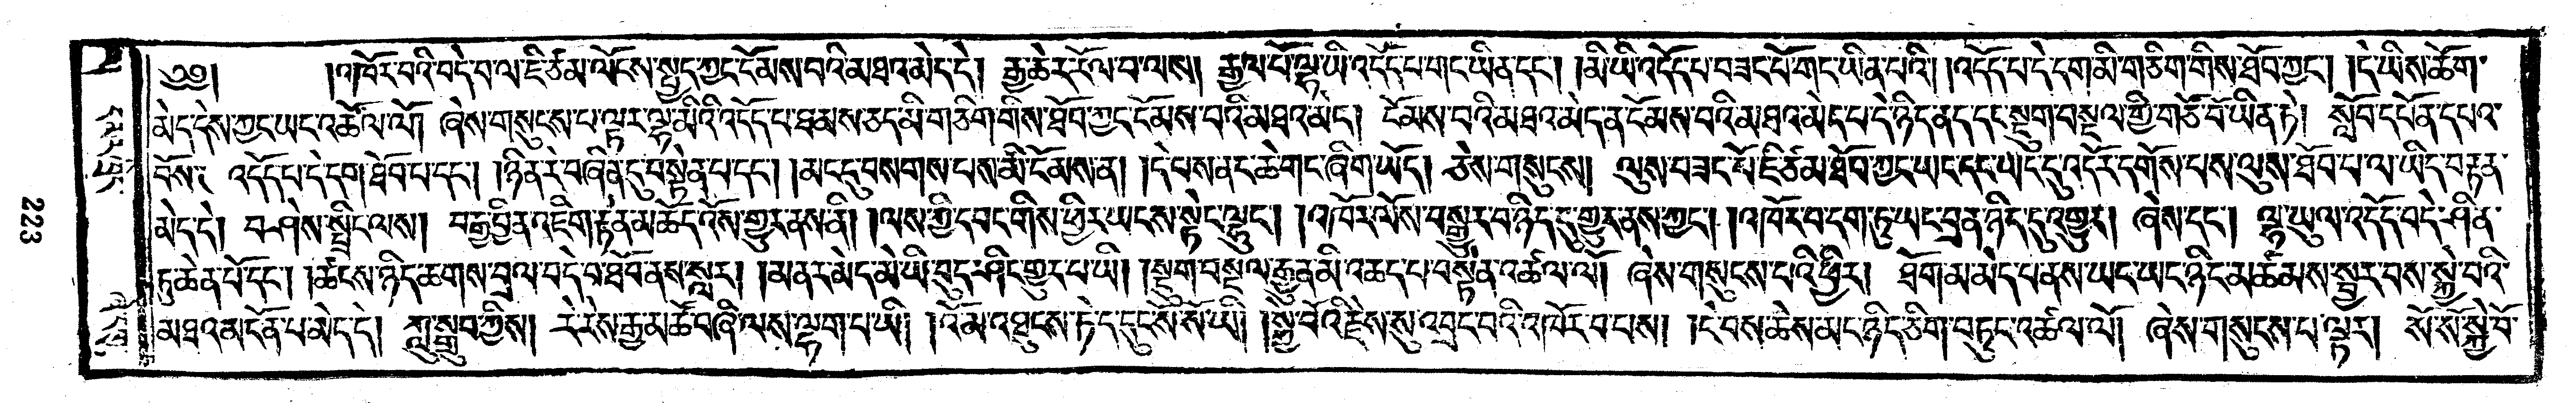༄༅། །འཁོར་བའི་བདེ་བ་ལ་ཇི་ཙམ་ལོངས་སྤྱད་ཀྱང་ངོམས་བའི་མཐའ་མེད་དེ། རྒྱ་ཆེར་རོལ་བ་ལས། རྒྱལ་པོ་ལྷ་ཡི་འདོད་པ་གང་ཡིན་དང་། །མི་ཡི་འདོད་པ་བཟང་པོ་གང་ཡིན་པའི། །འདོད་པ་དེ་དག་མི་གཅིག་གིས་ཐོབ་ཀྱང་། །དེ་ཡིས་ཆོག་
མེད་དེས་ཀྱང་ཡང་འཚོལ་ལོ། ཞེས་གསུངས་པ་ལྟར་ལྷ་མིའི་འདོད་པ་ཐམས་ཅད་མི་གཅིག་གིས་ཐོབ་ཀྱང་ངོམས་བའི་མཐའ་མེད། ངོམས་བའི་མཐའ་མེད་ན་ངོམས་བའི་མཐའ་མེད་པ་དེ་ཉིད་ནད་དང་སྡུག་བསྔལ་གྱི་གཙོ་བོ་ཡིན་ཏེ། སློབ་དཔོན་དཔའ་
བོས༑ འདོད་པ་དེ་དག་ཐོབ་པ་དང་། །ཉིན་རེ་བཞིན་དུ་བསྟེན་པ་དང་། །མང་དུ་བསགས་པས་མི་ངོམས་ན། །དེ་པས་ནང་ཆེ་གང་ཞིག་ཡོད། ཅེས་གསུངས། ལུས་བཟང་པོ་ཇི་ཙམ་ཐོབ་ཀྱང་ཡང་དང་ཡང་དུ་འདོར་དགོས་པས་ལུས་ཐོབ་པ་ལ་ཡིད་བརྟན་
མེད་དེ། བཤེས་སྤྲིང་ལས། བརྒྱ་བྱིན་འཇིག་རྟེན་མཆོད་འོས་གྱུར་ནས་ནི། །ལས་ཀྱི་དབང་གིས་ཕྱིར་ཡངས་སྟེང་ལྷུང་། །འཁོར་ལོས་བསྒྱུར་བ་ཉིད་དུ་གྱུར་ནས་ཀྱང་། །འཁོར་བ་དག་ཏུ་ཡང་བྲན་ཉིད་དུ་འགྱུར། ཞེས་དང་། ལྷ་ཡུལ་འདོད་བདེ་ཤིན་
ཏུ་ཆེན་པོ་དང་། །ཚངས་ཉིད་ཆགས་བྲལ་བདེ་བ་ཐོབ་ནས་སླར། །མནར་མེད་མེ་ཡི་བུད་ཤིང་གྱུར་པ་ཡི། །སྡུག་བསྔལ་རྒྱུན་མི་འཆད་པ་བསྟེན་འཚལ་ལོ། ཞེས་གསུངས་པའི་ཕྱིར། ཐོག་མ་མེད་པ་ནས་ཡང་ཡང་ཉིད་མཚམས་སྦྱར་བས་སྐྱེ་བའི་
མཐའ་མངོན་པ་མེད་དེ། ཀླུ་སྒྲུབ་ཀྱིས། རེ་རེས་རྒྱ་མཚོ་བཞི་ལས་ལྷག་པ་ཡི། །འོ་མ་འཐུངས་ཏེ་ད་དུང་སོ་སོ་ཡི། །སྐྱེ་བོའི་རྗེས་སུ་འབྲང་བའི་འཁོར་བ་པས། །ངེ་བས་ཆེས་མང་ཉིད་ཅིག་བཏུང་འཚལ་ལོ། ཞེས་གསུངས་པ་ལྟར། སོ་སོ་སྐྱེ་བོ་